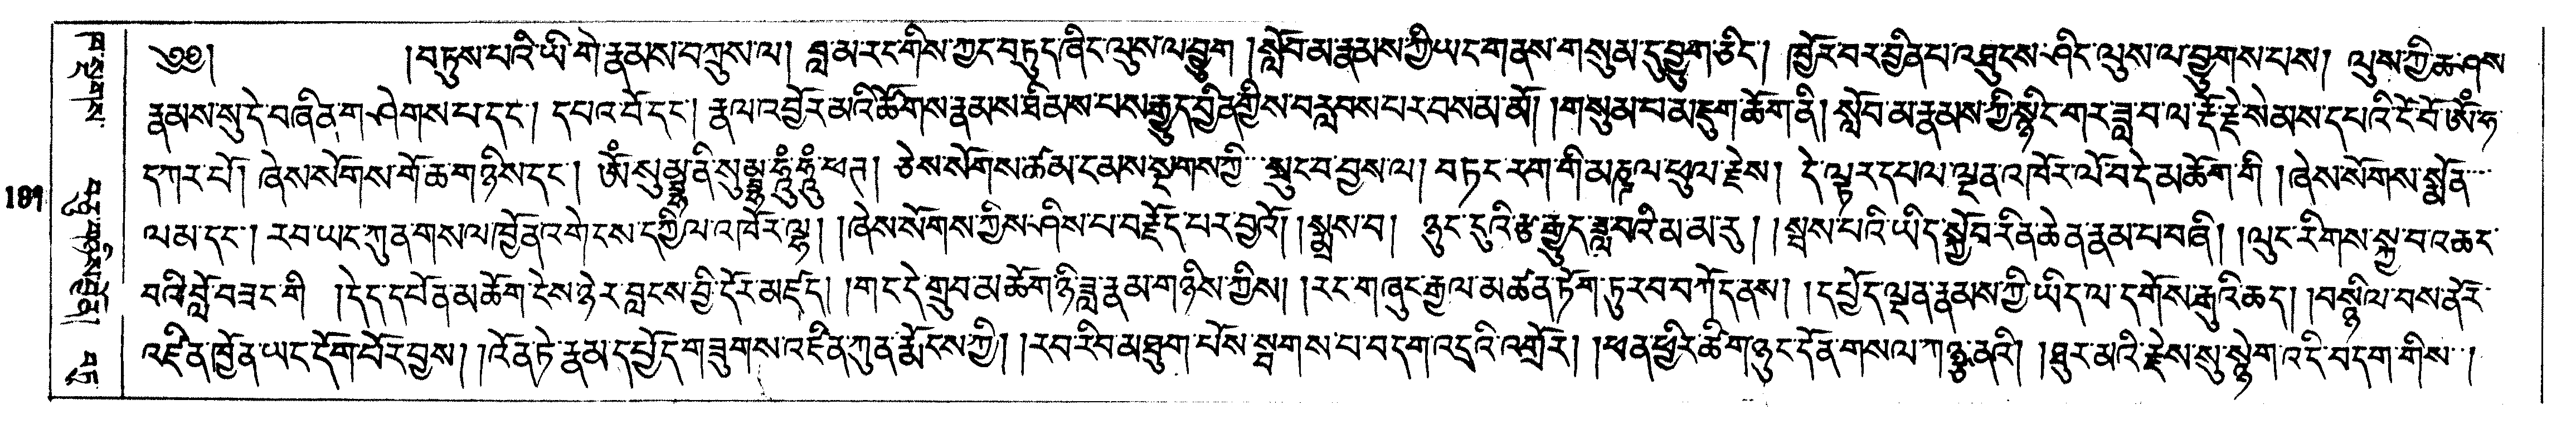༄༅། །བཏུས་པའི་ཡི་གེ་རྣམས་བཀྲུས་ལ། བླ་མ་རང་གིས་ཀྱང་བཏུད་ཞིང་ལུས་ལ་བྱུག །སློབ་མ་རྣམས་ཀྱི་ཡང་གནས་གསུམ་དུ་བྱུག་ཅིང་། ཁྱོར་བར་བྱིན་པ་འཐུངས་ཤིང་ལུས་ལ་བྱུགས་པས། ལུས་ཀྱི་ཆ་ཤས་
རྣམས་སུ་དེ་བཞིན་གཤེགས་པ་དང་། དཔའ་བོ་དང་། རྣལ་འབྱོར་མའི་ཚོགས་རྣམས་ཐིམས་པས་རྒྱུད་བྱིན་གྱིས་བརླབས་པར་བསམ་མོ། །གསུམ་པ་མཇུག་ཆོག་ནི། སློབ་མ་རྣམས་ཀྱི་སྙིང་གར་ཟླ་བ་ལ་རྡོ་རྗེ་སེམས་དཔའི་ངོ་བོ་ཨོཾ་ཧ་
དཀར་པོ། ཞེས་སོགས་གོ་ཆ་གཉིས་དང་། ཨོཾ་སུམྦྷ་ནི་སུམྦྷ་ཧཱུཾ་ཧཱུཾ་ཕཊ། ཅེས་སོགས་ཚམ་ངམས་སྔགས་ཀྱི་སྲུང་བ་བྱས་ལ། བཏང་རག་གི་མཎྜལ་ཕུལ་རྗེས། དེ་ལྟར་དཔལ་ལྡན་འཁོར་ལོ་བདེ་མཆོག་གི །ཞེས་སོགས་སྨོན་
ལམ་དང་། རབ་ཡང་ཀུན་གསལ་ཁྱོན་འགེངས་དཀྱིལ་འཁོར་ལྷ། །ཞེས་སོགས་ཀྱིས་ཤིས་པ་བརྗོད་པར་བྱའོ། །སྨྲས་བ། ཉུང་དུའི་རྩ་རྒྱུད་ཟླ་བའི་མ་མ་རུ། །སྦས་པའི་ཡིད་སྐྱོབ་རིན་ཆེན་རྣམ་པ་བཞི། །ལུང་རིགས་སྐྱ་བ་འཆང་
བའི་བློ་བཟང་གི །དེད་དཔོན་མཆོག་ངེས་ཉེར་བླངས་བྱི་དོར་མཛད། །གང་དེ་གྲུབ་མཆོག་ཉི་ཟླ་རྣམ་གཉིས་ཀྱིས། །རང་གཞུང་རྒྱལ་མཚན་ཏོག་ཏུ་རབ་བཀོད་ནས། །དཔྱོད་ལྡན་རྣམས་ཀྱི་ཡིད་ལ་དགོས་རྒུའི་ཆད། །བསྙིལ་བས་ནོར་
འཛིན་ཁྱོན་ཡང་དོག་པོར་བྱས། །འོན་ཏེ་རྣམ་དཔྱོད་གཟུགས་འཛིན་ཀུན་རྨོངས་ཀྱི། །རབ་རིབ་མཐུག་པོས་སྦགས་པ་བདག་འདྲའི་འགྲོར། །ཕན་ཕྱིར་ཚིག་ཉུང་དོན་གསལ་ཀཉྩ་ནའི། །ཐུར་མའི་རྗེས་སུ་སྙེག་འདི་བདག་གིས།